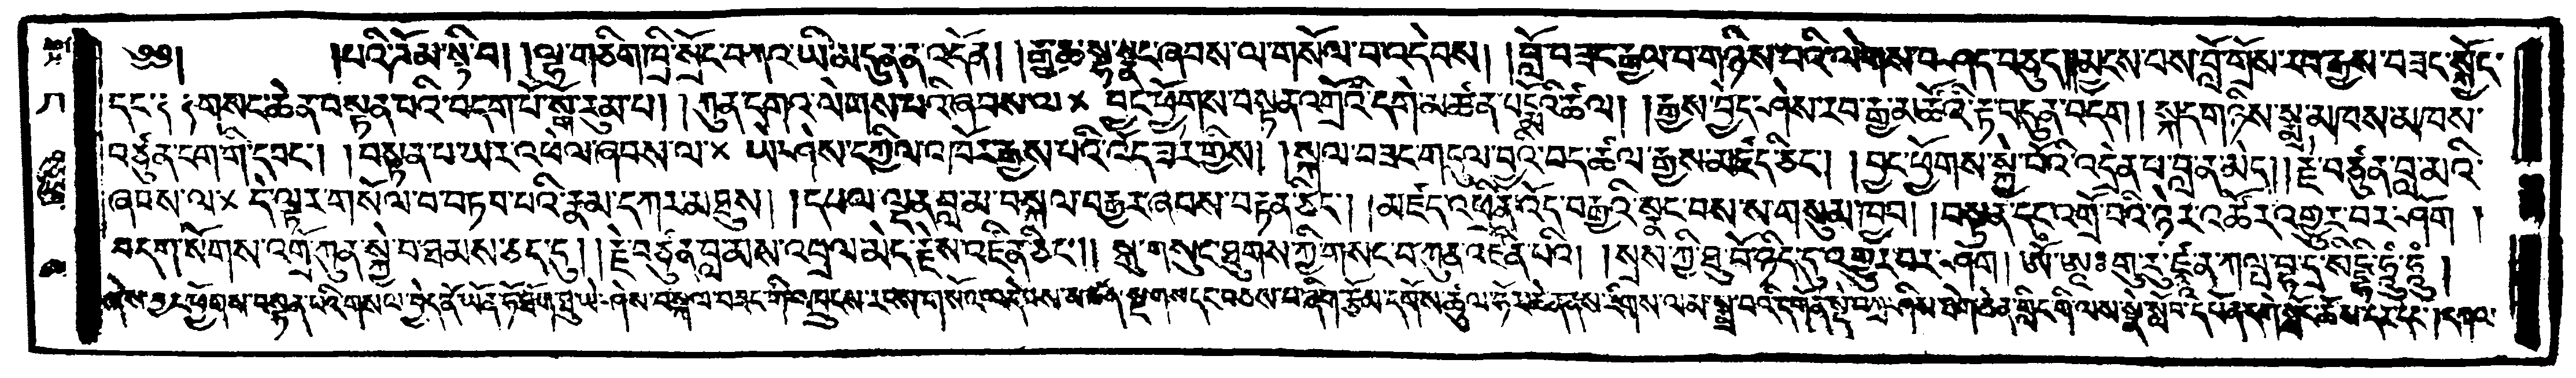༄༅། །པའི་ཌོམ་སྟི་བ། །ལྷ་གཅིག་ཁྲི་སྲོང་བཀའ་ཡི་མདུན་ན་འདོན། །རྒྱ་ཆ་སྟ་སྣང་ཞབས་ལ་གསོལ་བ་འདེབས། །བློ་བཟང་རྒྱལ་བ་གཉིས་པའི་ལེགས་བཤད་བཅུད། །མྱངས་པས་བློ་གྲོས་རབ་རྒྱས་བཟང་སྐྱོང་
དང་། །གསང་ཆེན་བསྟན་པའི་བདག་པོ་སྒོ་རུམ་པ། །ཀུན་དགའ་ལེགས་པའི་ཞབས་ལ་{྾}་བྱང་ཕྱོགས་བསྟན་འགྲོའི་དགེ་མཚན་པདམོའི་ཚལ། །རྒྱས་བྱེད་ཤེས་རབ་རྒྱ་མཚོའི་རྟ་བདུན་བདག །སྐད་གཉིས་སྨྲ་མཁས་མཁས་
བཙུན་ངག་གི་དབང་། །བསྟན་པ་ཡར་འཕེལ་ཞབས་ལ་{྾}་ཡེ་ཤེས་དཀྱིལ་འཁོར་རྒྱས་པའི་འོད་ཟེར་གྱིས། །སྐལ་བཟང་གདུལ་བྱའི་བད་ཚལ་རྒྱས་མཛད་ཅིང་། །བྱང་ཕྱོགས་སྐྱེ་བོའི་འདྲེན་པ་བླ་ན་མེད། །རྗེ་བཙུན་བླ་མའི་
ཞབས་ལ་{྾}་དེ་ལྟར་གསོལ་བ་བཏབ་པའི་རྣམ་དཀར་མཐུས། །དཔལ་ལྡན་བླ་མ་བསྐལ་བརྒྱར་ཞབས་བརྟན་ཅིང་། །མཛད་འཕྲིན་འོད་བརྒྱའི་སྣང་བས་ས་གསུམ་ཁྱབ། །བསྟན་དང་འགྲོ་བའི་ཉེར་འཚོར་འགྱུར་བར་ཤོག །
བདག་སོགས་འགྲོ་ཀུན་སྐྱེ་བ་ཐམས་ཅད་དུ། །རྗེ་བཙུན་བླ་མས་འབྲལ་མེད་རྗེས་འཛིན་ཅིང་། །སྐུ་གསུང་ཐུགས་ཀྱི་གསང་བ་ཀུན་འཛིན་པའི། །སྲས་ཀྱི་ཐུ་བོ་ཉིད་དུ་འགྱུར་བར་ཤོག །ཨོཾ་ཨཱཿ གུ་རུ་ཛྙཱ་ན་ཀལྤ་བྷ་དྲ་སིདྡྷི་ཧཱུཾ་ཧཱུཾ།
ཞེས་བྱང་ཕྱོགས་བསྟན་པའི་གསལ་བྱེད་ནོ་ཡོན་ཧོ་ཐོག་ཐུ་ཡེ་ཤེས་བསྐལ་བཟང་གི་འཁྲུངས་རབས་གསོལ་འདེབས་མཚན་སྔགས་དང་བཅས་པ་ཞིག་རྩོམ་དགོས་ཚུལ་ཧོར་ཆེན་ནས་རིགས་ལམ་སྨྲ་བའི་དགོན་སྡེ་བཀྲ་ཤིས་ཐེག་ཆེན་གླིང་གི་ལས་སྣེ་སློབ་དཔོན་དགེ་སློང་ཆོས་དར་དང་། དཀའ་